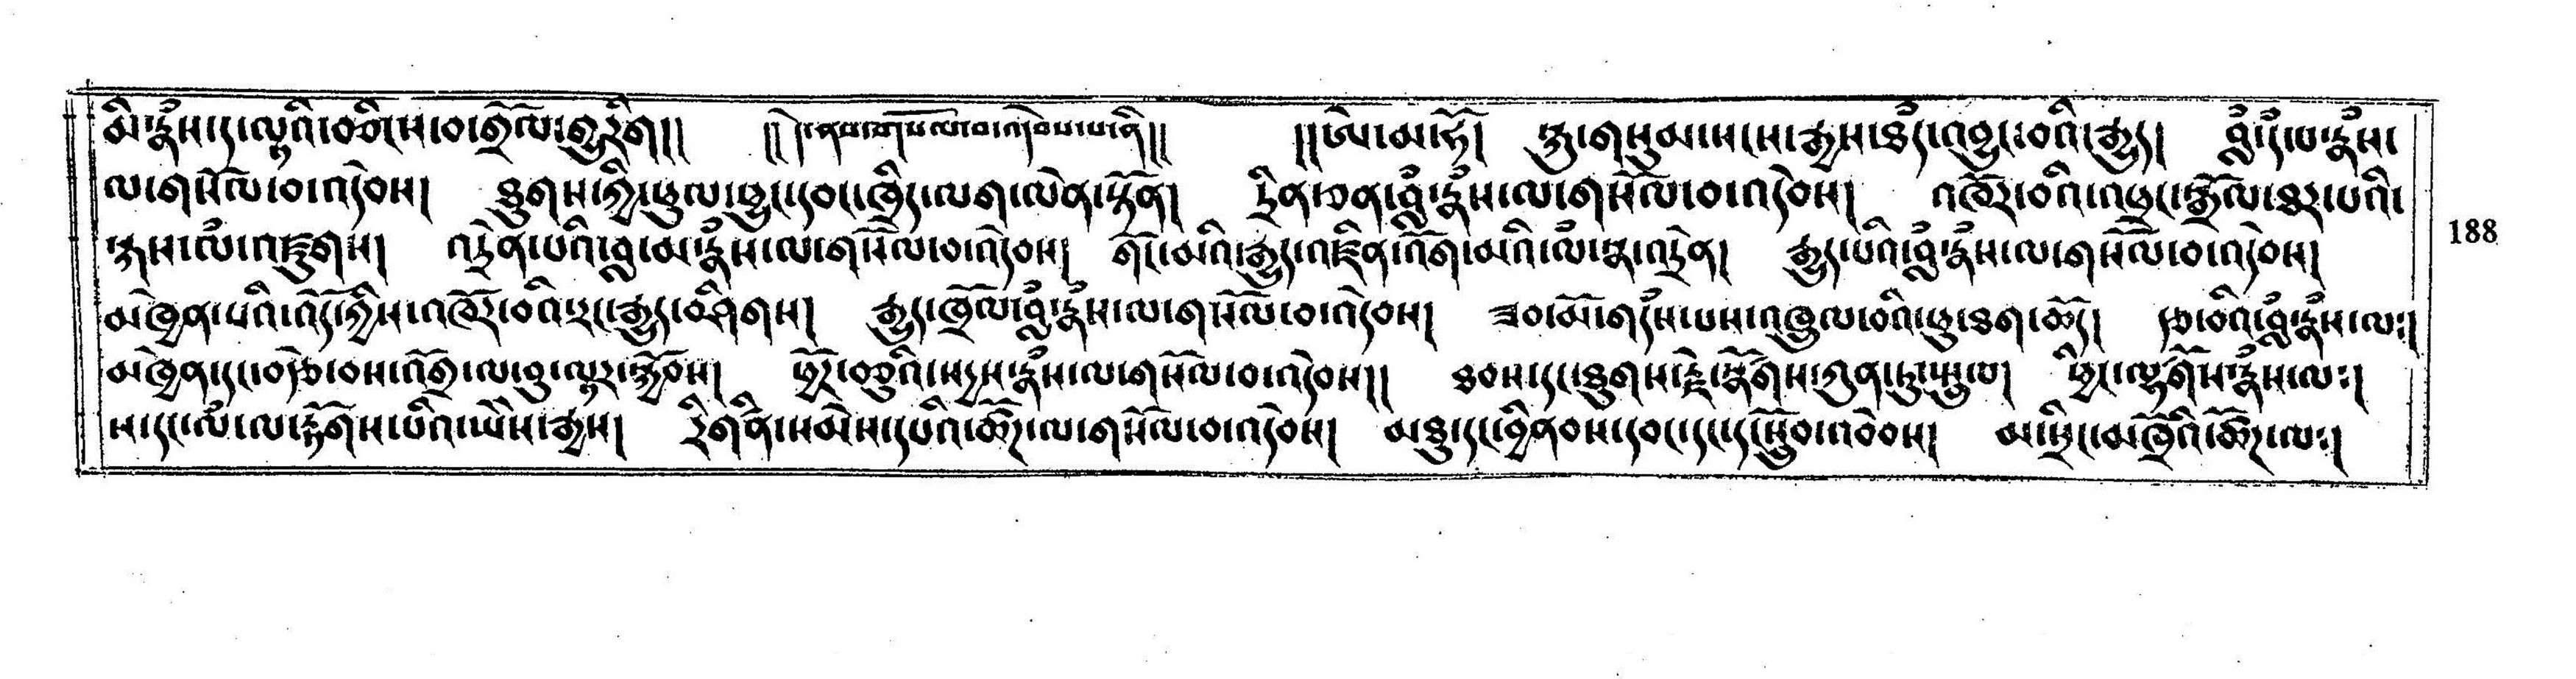མི་རྣམས་ད་ལྟའི་བཅིངས་བ་གྲོལ་གྱུར་ཅིག །།དེ་ནས་གསོལ་བ་འདེབས་པ་ནི།། །།ཨེ་མ་ཧོ། སྐུ་གསུམ་སངས་རྒྱས་ཐམས་ཅད་འབྱུང་བའི་རྒྱུད། བླ་མ་དམ་པ་རྣམས་
ལ་གསོལ་བ་འདེབས། ཐུགས་ཀྱི་ཕུལ་ཕྱུང་དབང་ཁྲིད་ལག་ལེན་སྟོན། དྲིན་ཅན་བླ་མ་རྣམས་ལ་གསོལ་བ་འདེབས། འཁོར་བའི་འཕྲང་སྒྲོལ་ཐར་པའི་
སྐས་ལམ་འཛུགས། འདྲེན་པའི་བླ་མ་རྣམས་ལ་གསོལ་བ་འདེབས། གོང་མའི་རྒྱུད་འཛིན་འོག་མའི་ལམ་སྣ་འདྲེན། རྒྱུད་པའི་བླ་མ་རྣམས་ལ་གསོལ་བ་འདེབས། 
མཁྱེན་པའི་འོད་ཀྱིས་འཁོར་བའི་རང་རྒྱུད་བཤིགས། རྒྱུད་ཁྲོལ་བླ་མ་རྣམས་ལ་གསོལ་བ་འདེབས། ཟབ་མོ་གདམས་པས་འཁྲུལ་བའི་ཕུ་ཐག་ཆོད། རྩ་བའི་བླ་མ་རྣམས་ལ༴། 
མཁྱེན་དང་བརྩེ་བས་འགྲོ་ལ་བུ་ལྟར་སྐྱོབས། ཕྱོགས་བཅུའི་སངས་རྒྱས་རྣམས་ལ་གསོལ་བ་འདེབས།། ཐབས་དང་ཐུགས་རྗེ་སྣ་ཚོགས་ཀུན་ཏུ་སྤྲུལ། ཕྱི་ནང་ལྷ་ཚོགས་རྣམས་ལ༴། 
ས་དང་ལམ་ལ་རྟོགས་པའི་ཡེ་ཤེས་རྒྱས། རིག་འཛིན་སེམས་དཔའི་ཚོགས་ལ་གསོལ་བ་འདེབས། མཐུ་དང་བྱིན་རླབས་དབང་དང་དངོས་གྲུབ་འབེབས། མ་སྲིང་མཁའ་འགྲོའི་ཚོགས་ལ༴།